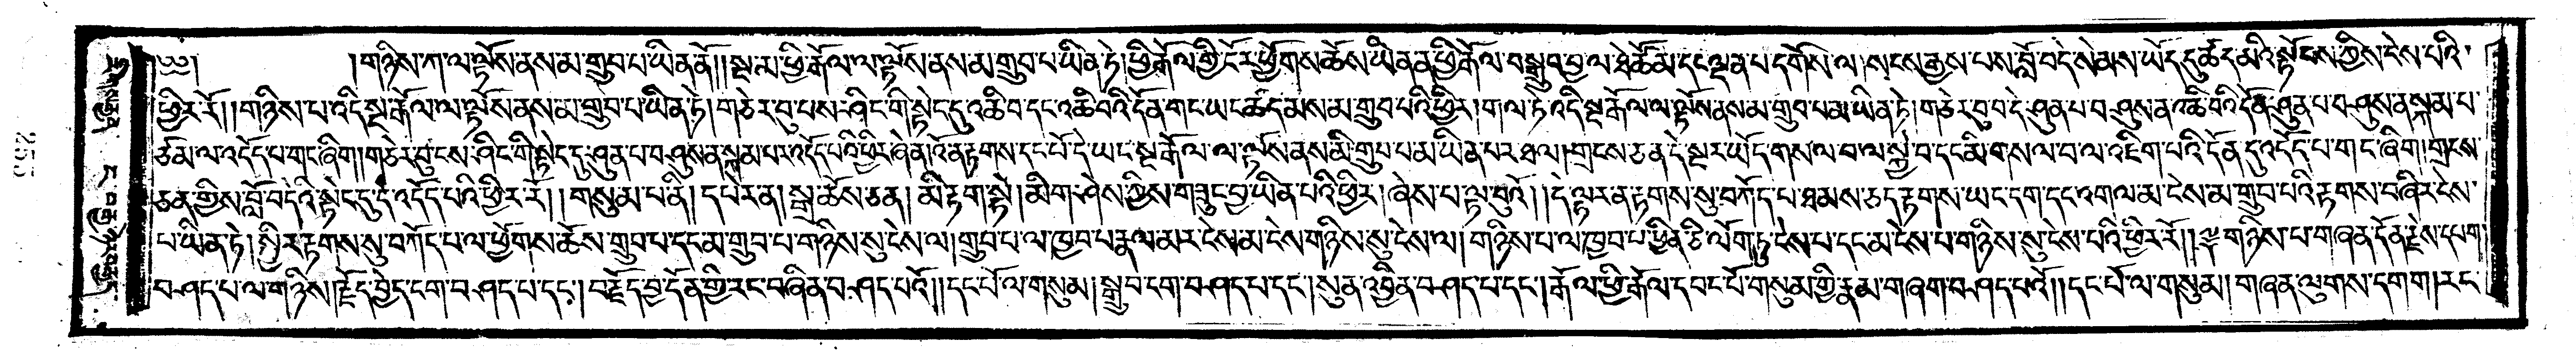༄༅། །གཉིས་ཀ་ལ་ལྟོས་ནས་མ་གྲུབ་པ་ཡིན་ནོ། །སྔ་མ་ཕྱི་རྒོལ་ལ་ལྟོས་ནས་མ་གྲུབ་པ་ཡིན་ཏེ། ཕྱི་རྒོལ་གྱི་ངོར་ཕྱོགས་ཆོས་ཡིན་ན་ཕྱི་རྒོལ་བསྒྲུབ་བྱ་ལ་ཐེ་ཚོམ་དང་ལྡན་པ་དགོས་ལ། སངས་རྒྱས་པས་བློ་བདེ་སེམས་ཡོད་དུ་ཚད་མའི་སྟོབས་ཀྱིས་ངེས་པའི་
ཕྱིར་རོ། །གཉིས་པ་འདི་སྔ་རྒོལ་ལ་ལྟོས་ནས་མ་གྲུབ་པ་ཡིན་ཏེ། གཅེར་བུ་པས་ཤིང་གི་སྟེང་དུ་འཆི་བ་དང་འཆི་བའི་དོན་གང་ཡང་ཚད་མས་མ་གྲུབ་པའི་ཕྱིར། གལ་ཏེ་འདི་སྔ་རྒོལ་ལ་ལྟོས་ནས་མ་གྲུབ་པ་མ་ཡིན་ཏེ། གཅེར་བུ་པ་དེ་ཤུན་པ་བཤུས་ན་འཆི་བའི་དོན་ཤུན་པ་བཤུས་ན་སྐམ་པ་
ཙམ་ལ་འདོད་པ་གང་ཞིག །གཅེར་བུ་བས་ཤིང་གི་སྟེང་དུ་ཤུན་པ་བཤུས་ན་སྐམ་པར་འདོད་པའི་ཕྱིར་ཞེ་ན། འོ་ན་རྟགས་དང་པོ་དེ་ཡང་སྔ་རྒོལ་ལ་ལྟོས་ནས་མ་གྲུབ་པ་མ་ཡིན་པར་ཐལ། གྲངས་ཅན་དེ་སྔར་ཡོད་གསལ་བ་ལ་སྐྱེ་བ་དང་མི་གསལ་བ་ལ་འཇིག་པའི་དོན་དུ་འདོད་པ་གང་ཞིག །གྲངས་
ཅན་གྱིས་བློ་བདེའི་སྟེང་དུ་དེ་འདོད་པའི་ཕྱིར་རོ། །གསུམ་པ་ནི། དཔེར་ན། སྒྲ་ཆོས་ཅན། མི་རྟག་སྟེ། མིག་ཤེས་ཀྱིས་གཟུང་བྱ་ཡིན་པའི་ཕྱིར། ཞེས་པ་ལྟ་བུའོ། །དེ་ལྟར་ན་རྟགས་སུ་བཀོད་པ་ཐམས་ཅད་རྟགས་ཡང་དག་དང་འགལ་མ་ངེས་མ་གྲུབ་པའི་རྟགས་བཞིར་ངེས་
པ་ཡིན་ཏེ། སྤྱིར་རྟགས་སུ་བཀོད་པ་ལ་ཕྱོགས་ཆོས་གྲུབ་པ་དང་མ་གྲུབ་པ་གཉིས་སུ་ངེས་ལ། གྲུབ་པ་ལ་ཁྱབ་པ་རྣལ་མར་ངེས་མ་ངེས་གཉིས་སུ་ངེས་ལ། གཉིས་པ་ལ་ཁྱབ་པ་ཕྱིན་ཅི་ལོག་ཏུ་ངེས་པ་དང་མ་ངེས་པ་གཉིས་སུ་ངེས་པའི་ཕྱིར་རོ།། ༈ གཉིས་པ་གཞན་དོན་རྗེས་དཔག་
བཤད་པ་ལ་གཉིས། རྗོད་བྱེད་ངག་བཤད་པ་དང་། བརྗོད་བྱ་དོན་གྱི་རང་བཞིན་བཤད་པའོ། །དང་པོ་ལ་གསུམ། སྒྲུབ་ངག་བཤད་པ་དང་། སུན་འབྱིན་བཤད་པ་དང་། རྒོལ་ཕྱི་རྒོལ་དབང་པོ་གསུམ་གྱི་རྣམ་གཞག་བཤད་པའོ། །དང་པོ་ལ་གསུམ། གཞན་ལུགས་དགག །རང་